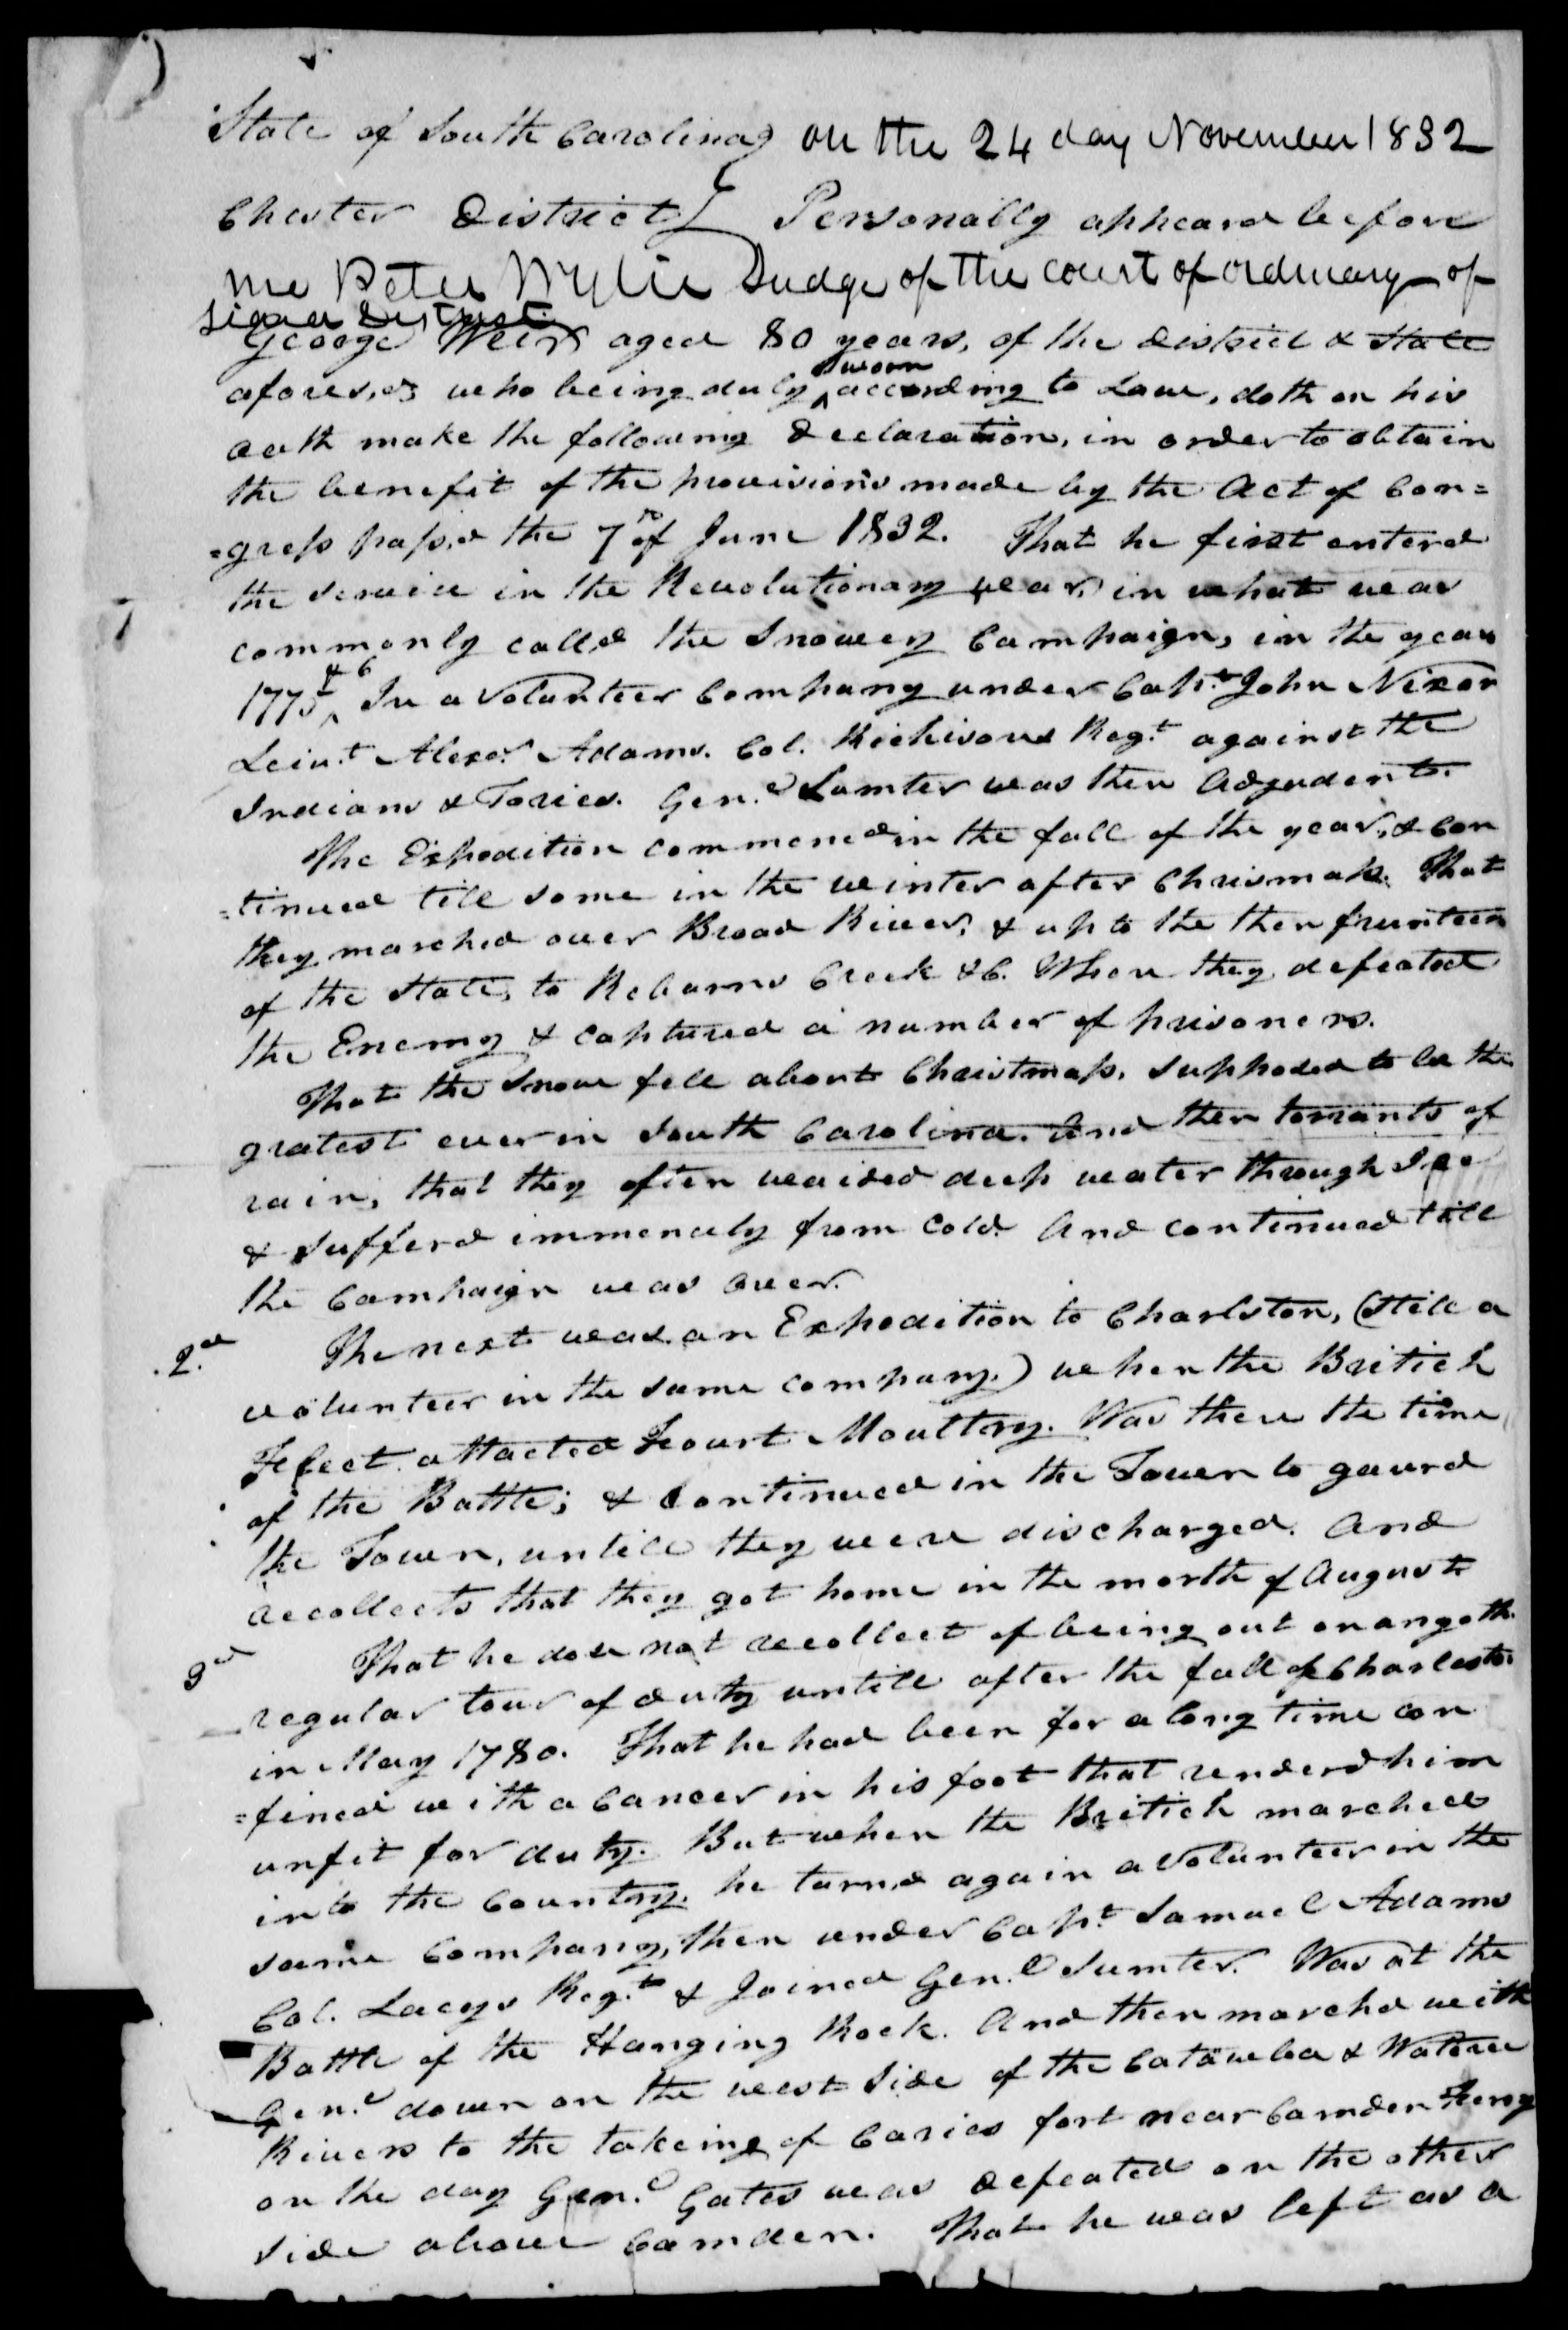State of South Carolina 
Chester District
on the 24 day November 1832 Personally appeared before me Peter Wylie Judge of the court of Ordinary of said district George Weir, then aged 80 years, of the district & State aforesaid, who being duly sworn according to law, doth on his oath make the following declaration, in order to obtain the benefit of the provisions made by the act of Congress passed the 7 of June 1832. 

That he first entered the service in the Revolutionary war in what was commonly called the Snowey Campaign in the years 1775 & 6 In a volunteer Company under Cap John Nixon, Leiut Alex Adams, Col. Hichison's Regt against the Indians & Tories. Gen. Sumter was then adjutant

The Expedition commenced in the fall of the year & continued time till some in the winter after Christmas. That they marched over Broad River & up to the then frontiers of the State to McCarron's Creek S.C. . Where they defeated the Enemy & captured a number of prisoners

That the snow fell about Christmas, supposed to be the greatest ever in South Carolina and then torrents of rain, that they after described deep water throughout & suffered immensely from cold and continued till the campaign was over
2nd
the next was an Expedition to Charleston, still a volunteer in the same company) when the  British fleet attacked Fort Moultrie. Was there the time of the Battle, & continued in the Town to guard
the town until they were discharged and recollects that they got home in the month of August
3rd
that he does not recollect of being out on any other regular tour of duty until after the fall of Charleston in May 1780. That he had been for a long time confined with a cancer in his foot that rendered him unfit for duty. But when the British marched into the country he turn again a volunteer in the same company, then under Capt Samuel Adams Col. Lacy Reg & Joined Genl Sumter, was at the Battle of the Hanging Rock and then marched with Gen'l down on the west side of the Catawba & Wateree River to the taking of Tories fort near Camden Ferry on the day Gen Gates was defeated on the other side above Camden. That he was left as a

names: John Nixon, Samuel Adams, Peter Wylie, Sumter, Alexer Adams, George Weir, Gates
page: 4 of 22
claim: survivor's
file: S. 9528, George Weir, S.C.